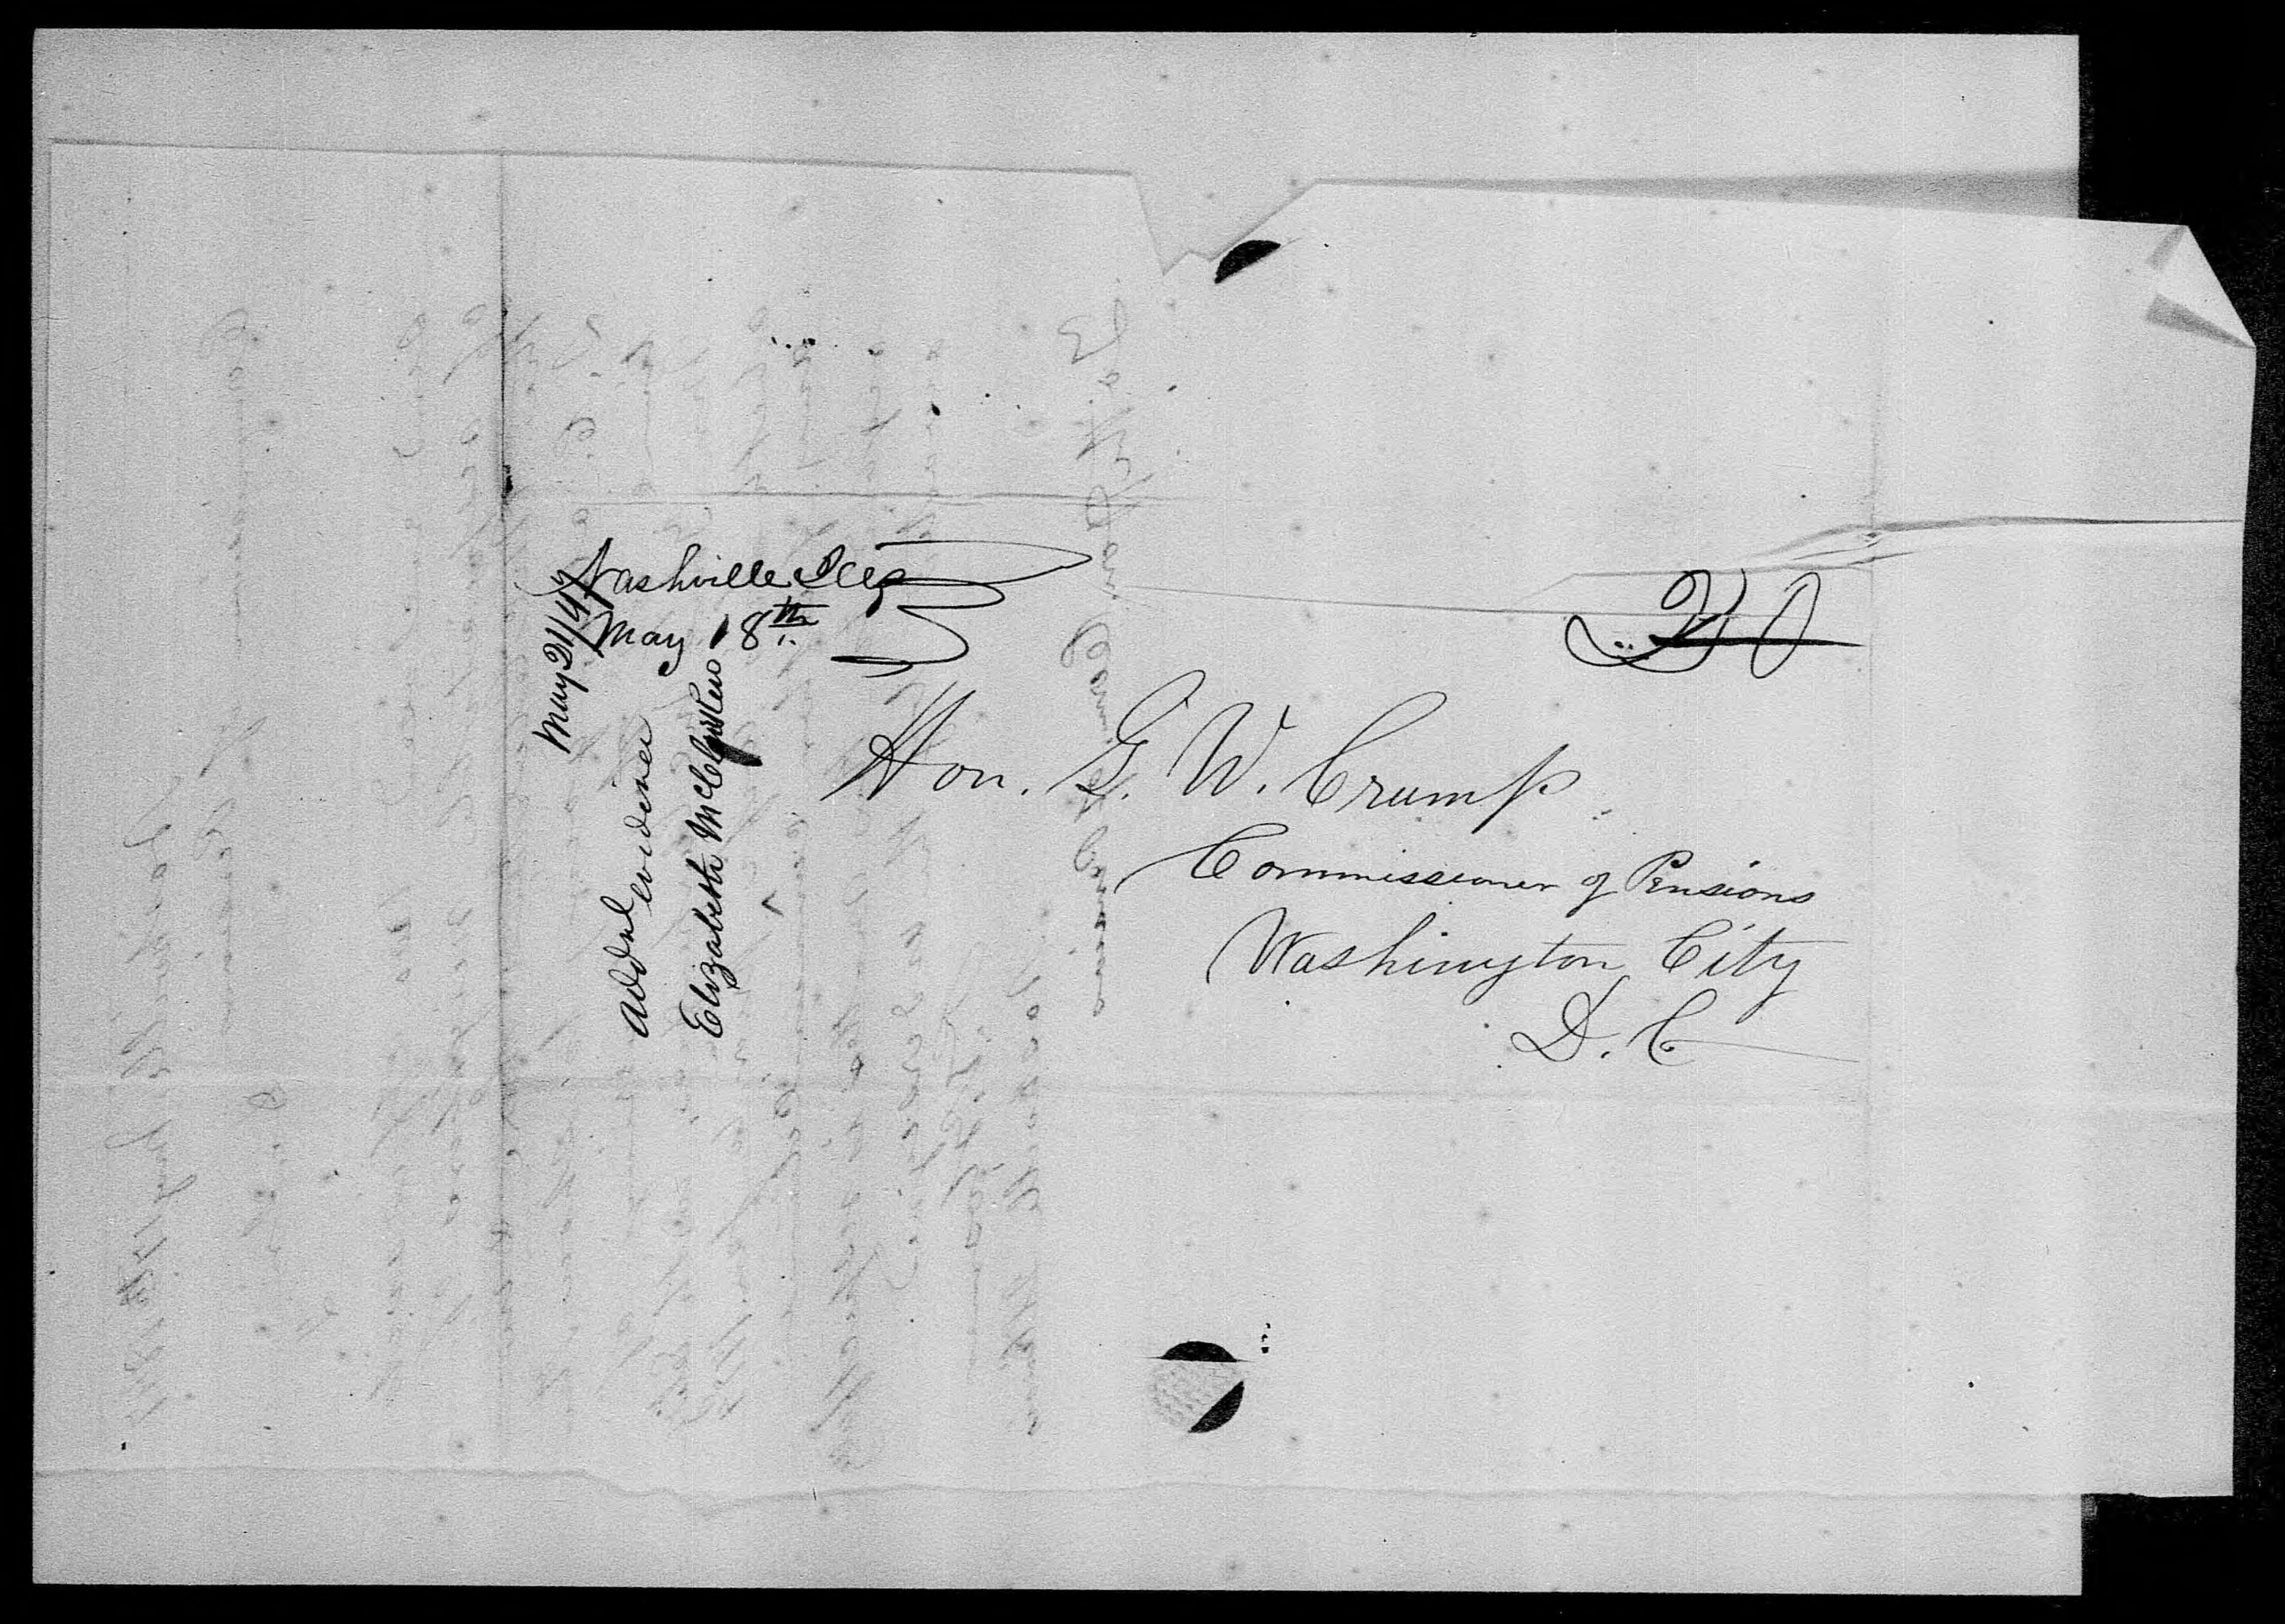May 21/47

Addnl evidence
Elizabeth McClurken

Nashville Ill
May 18th F.O

Hon. G.W. Crump
Commissioner of Pensions
Washington City
D.C.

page: 55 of 93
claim: widow's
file: W. 21792, for Thomas Mc Clurken, South Carolina